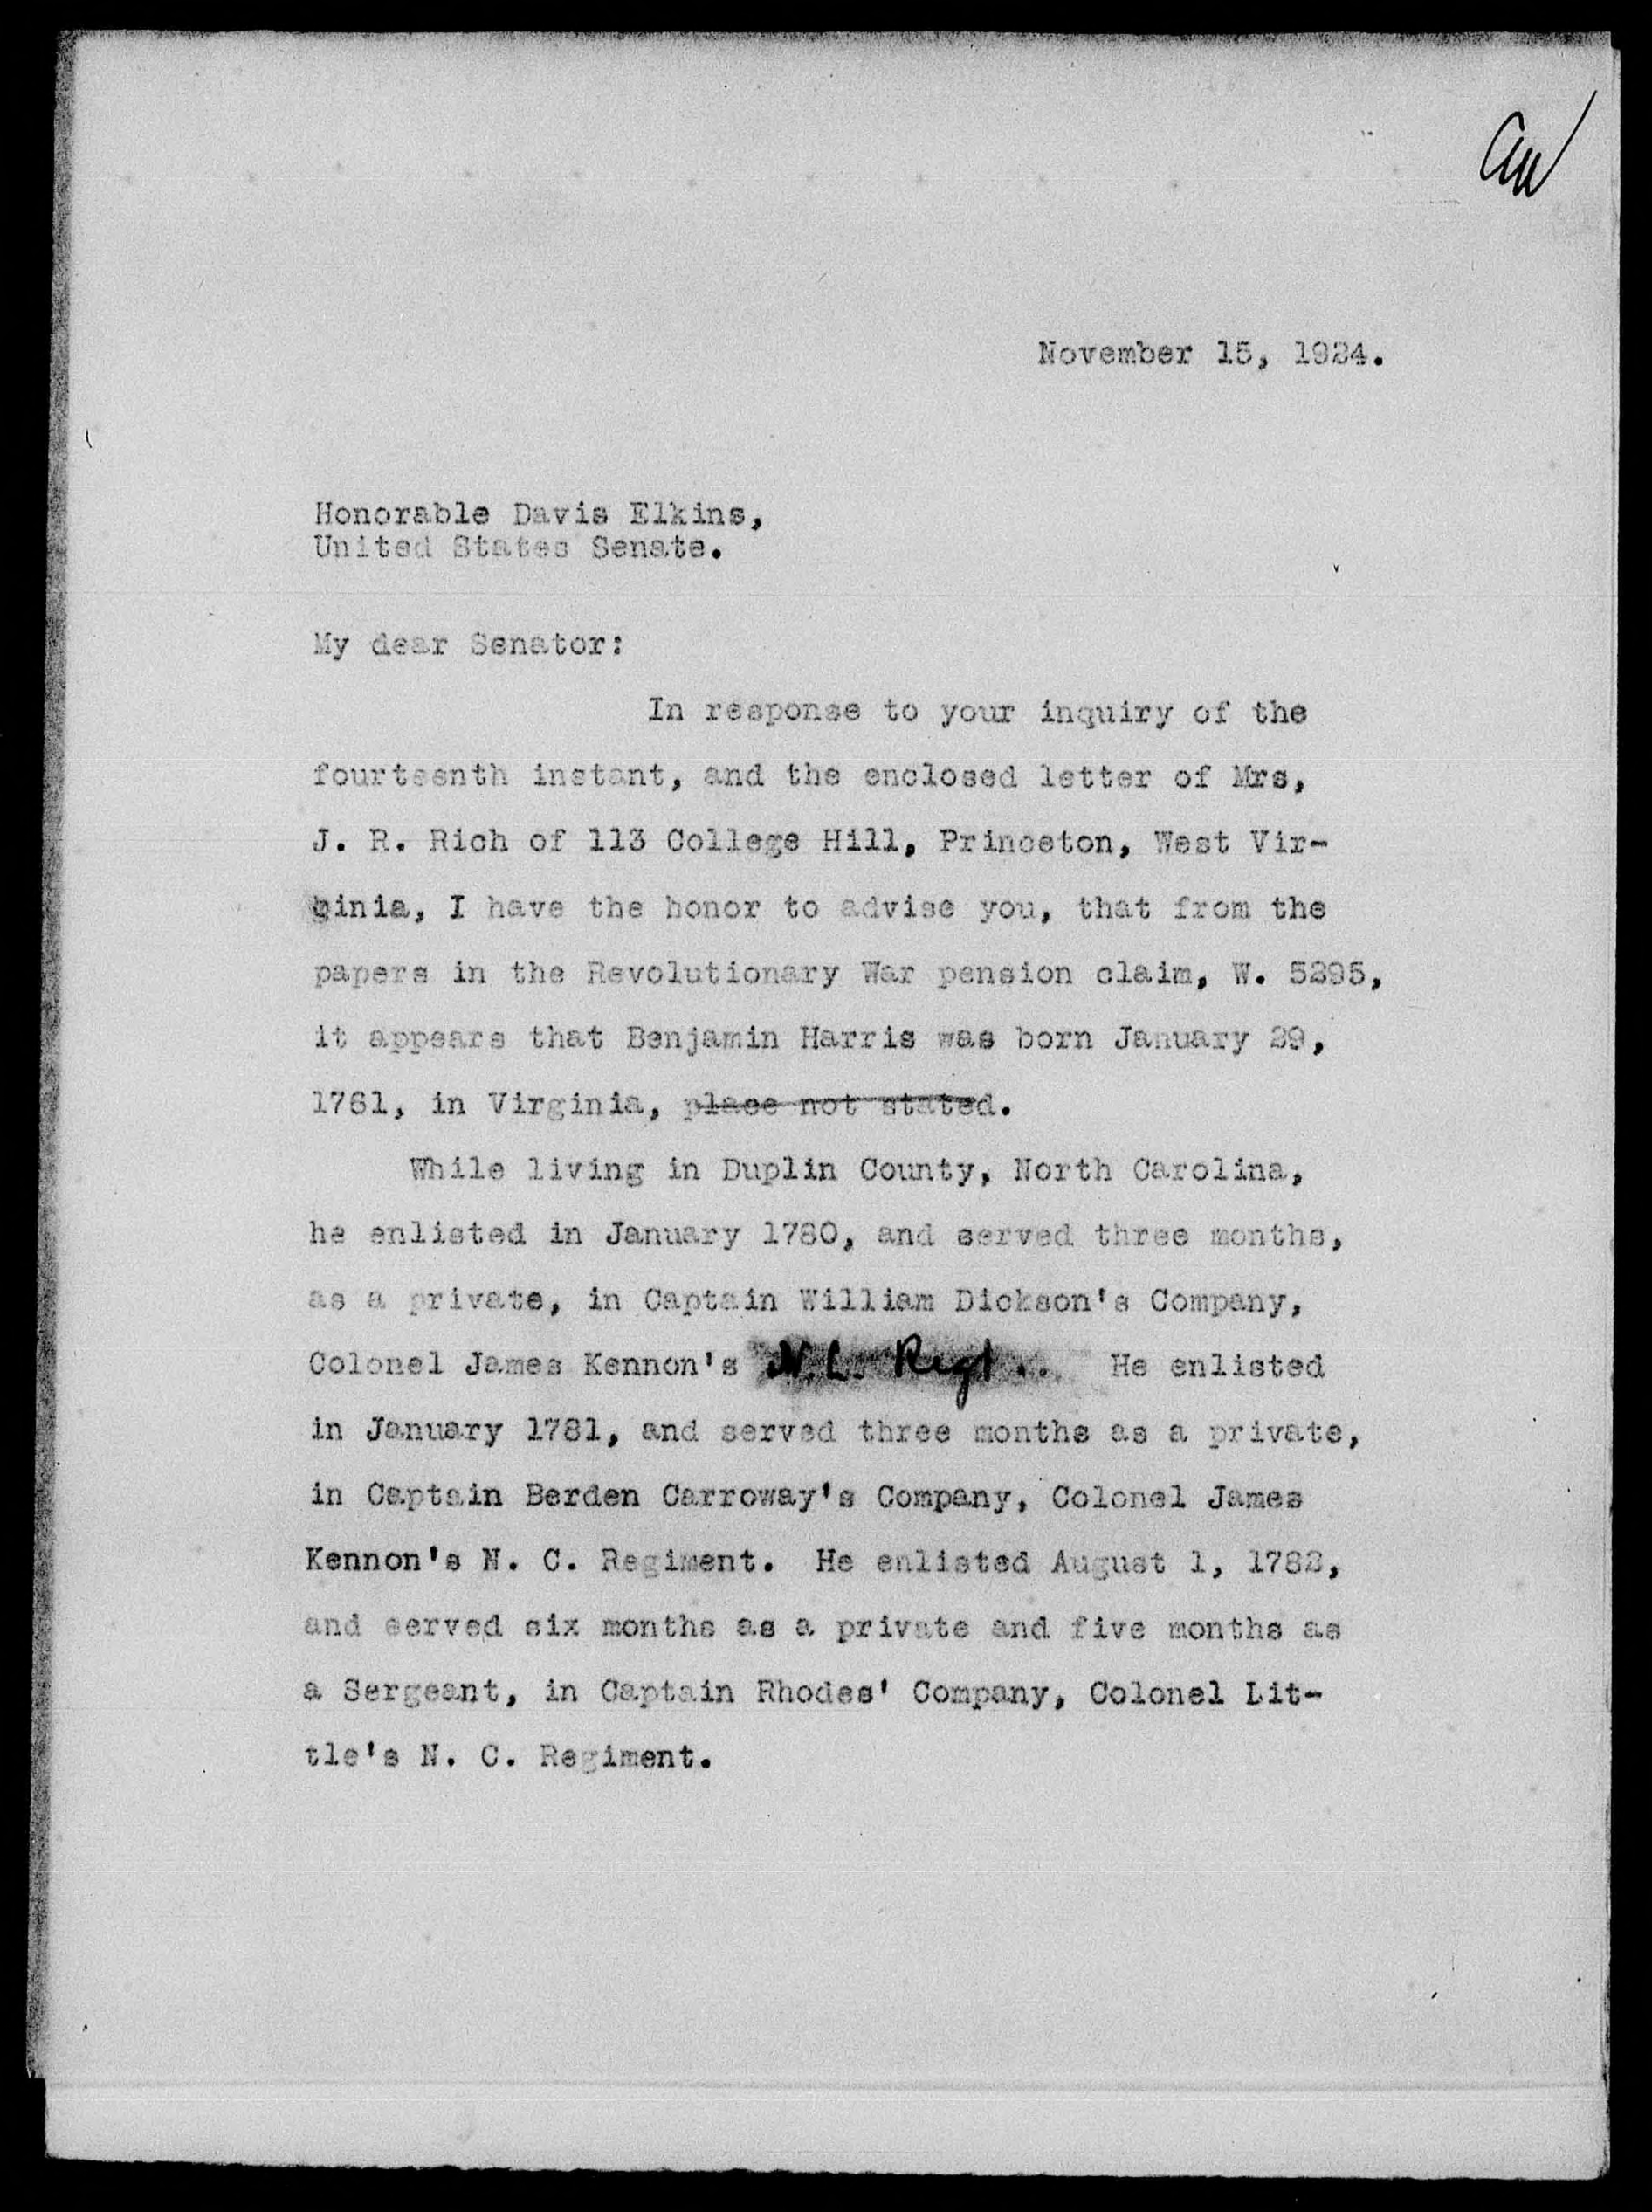November 15, 1824.

Honorable Davis Elkins, United States Senate. My dear Senator:
In response to your inquiry of the fourteenth instant, and the enclosed letter of Mrs. J. R. Rich of 113 College Hill, Princeton, West Virginia , I have the honor to advise you that from the papers in the Revolutionary War pension claim, W. 5295, it appears that Benjamin Harris was born January 29, 1761, in Virginia, place not stated. While living in Duplin County, North Carolina, he enlisted in January 1780, and served three months, as a private in Captain William Dickson's Company, Colonel James Kennon's He enlisted in January 1781, and served three months as a private, in Captain Berden Carroway's Company, Colonel James Kennon's N. C. Regiment. He enlisted August 1, 1782, and served six months as a private and five months as a Sergeant in Captain Rhodes' Company, Colonel Little 's N. C. Regiment.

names: Benjamin Harris, Davis Elkins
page: 55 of 62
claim: survivor's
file: S. 38816, Benjamin Harris, Mass.